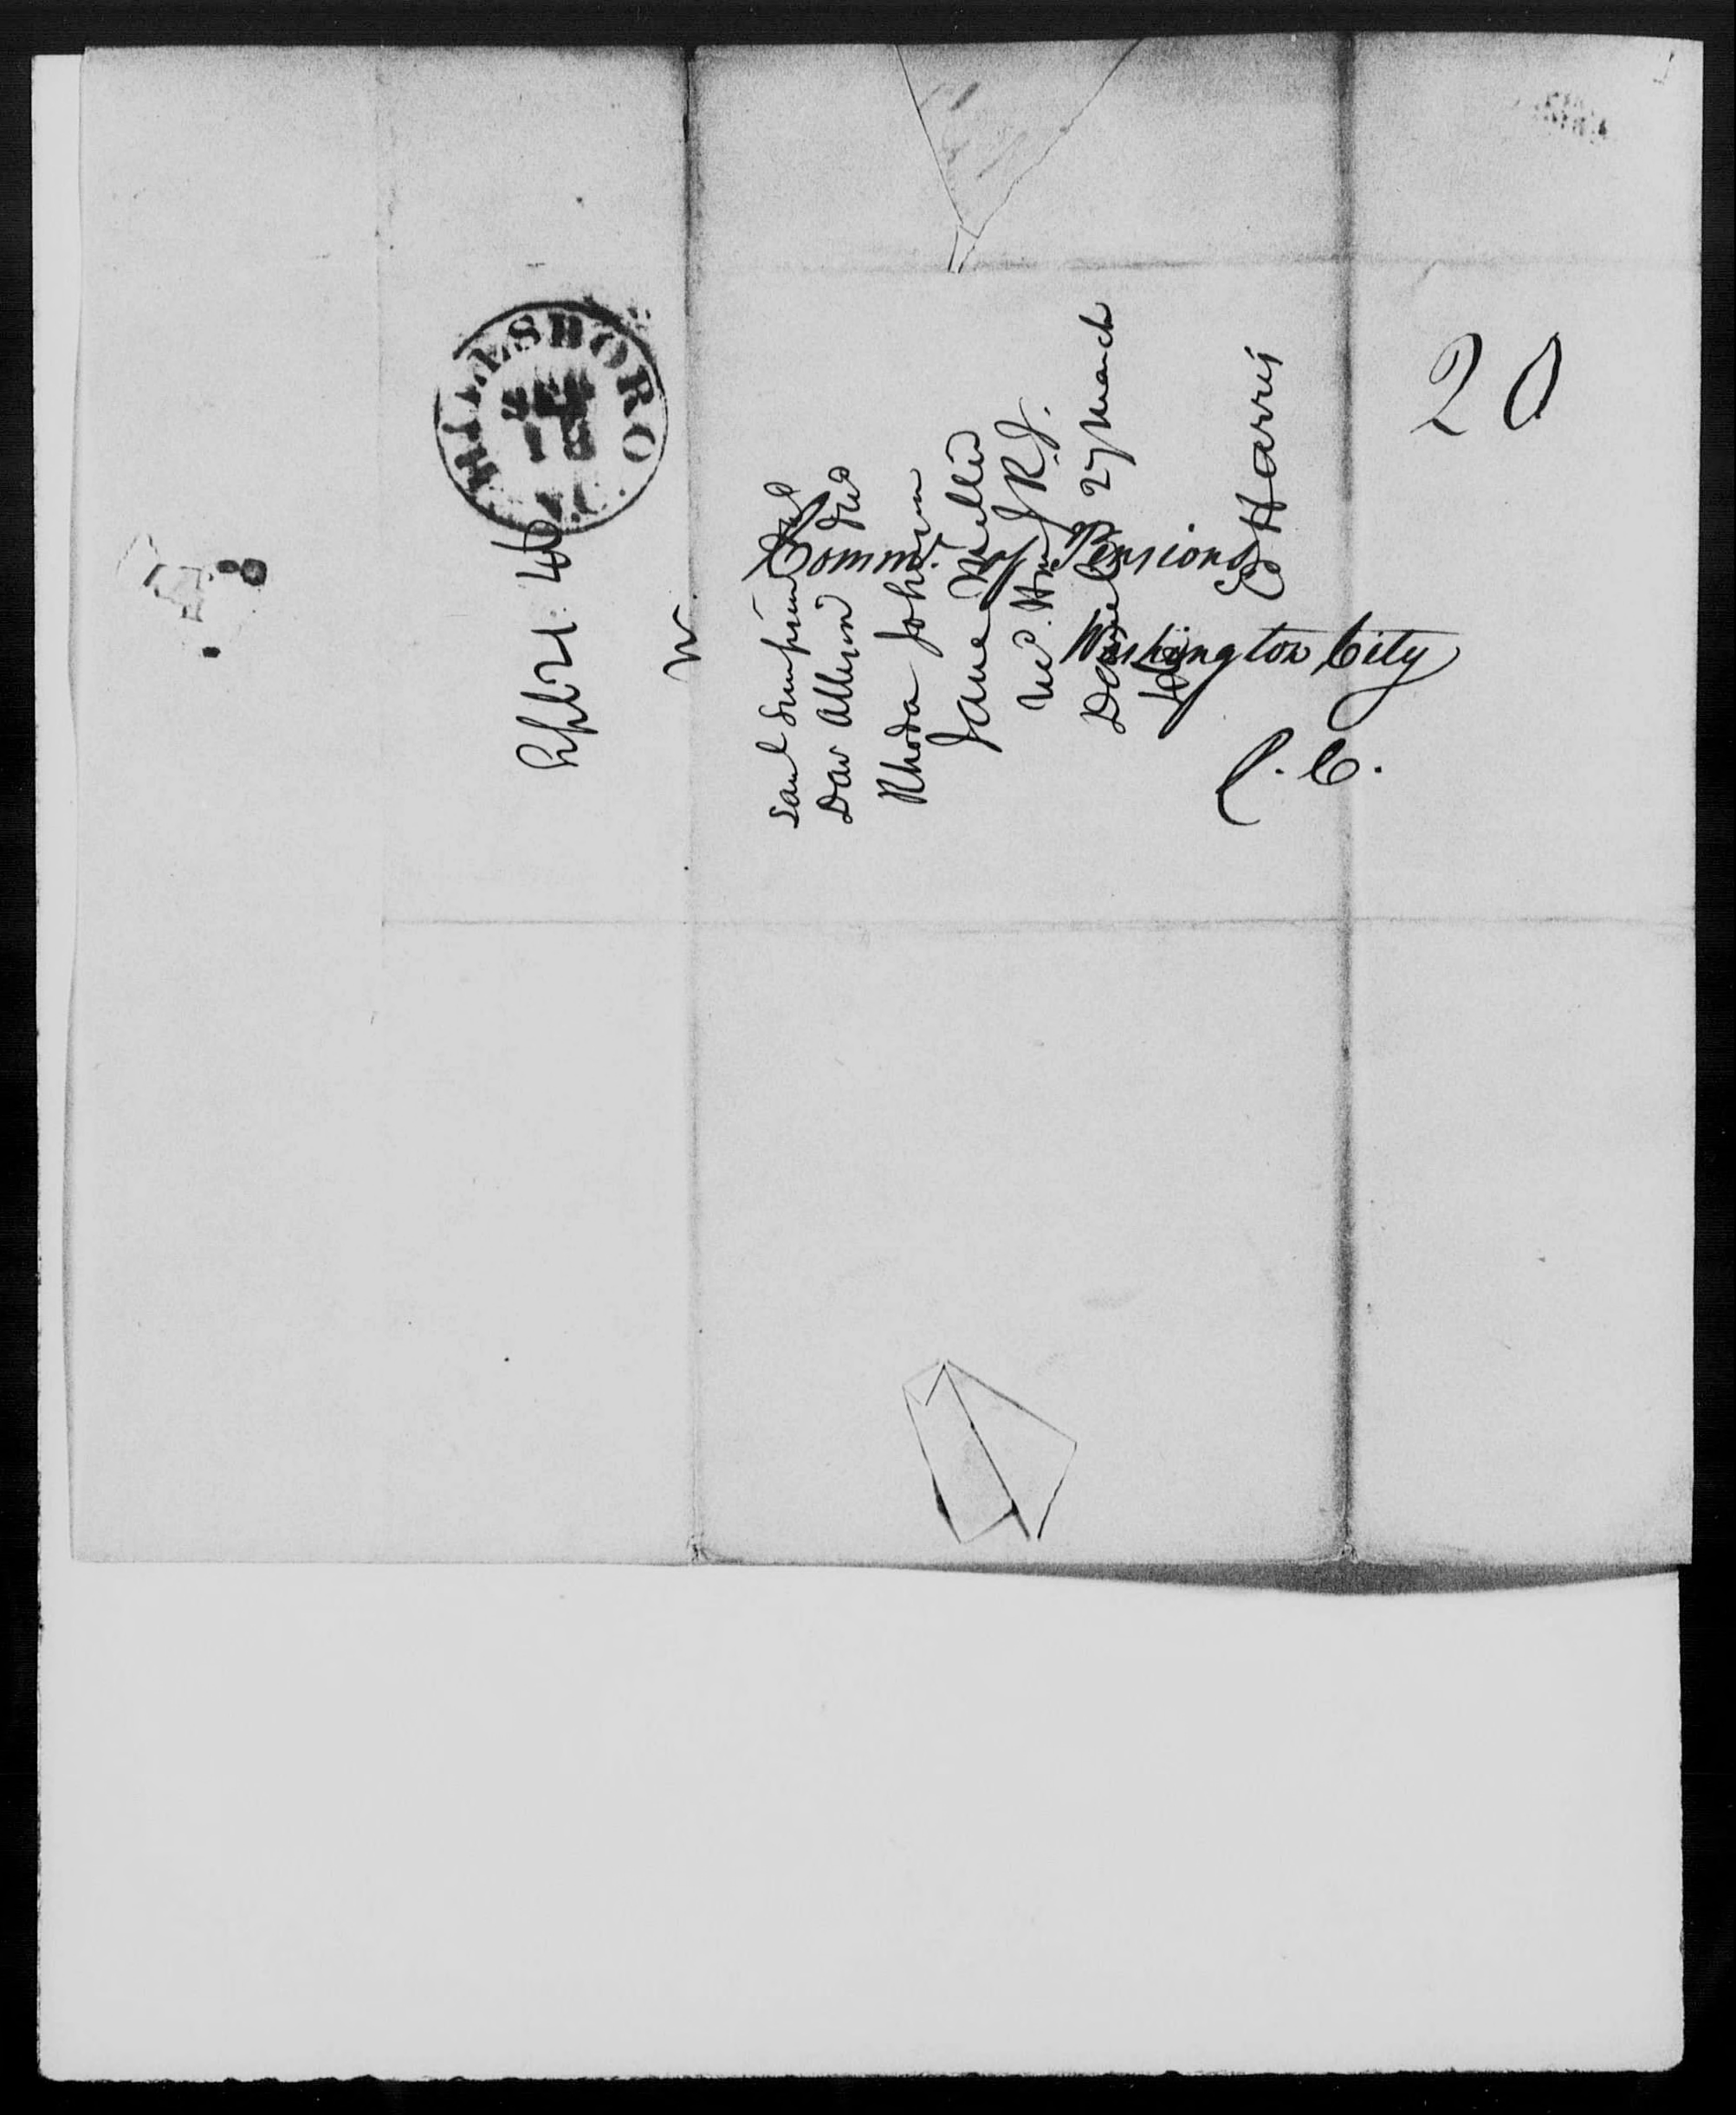hh4 (Stamp: HILLSBORO N.C.)

Saul Sumpine 
Dav. Allison 
Rhea Johnson
Jane Miller
(Illegible) 
Daniel Miller 

Comm. of Pensions
Washington City
D.C.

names: Rhoda Johnson, Ed Harris, Saul Simpson, Dav Allison, J R J Daniel, Jane Miller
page: 27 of 33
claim: rejected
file: R. 155, David Allison, N.C.